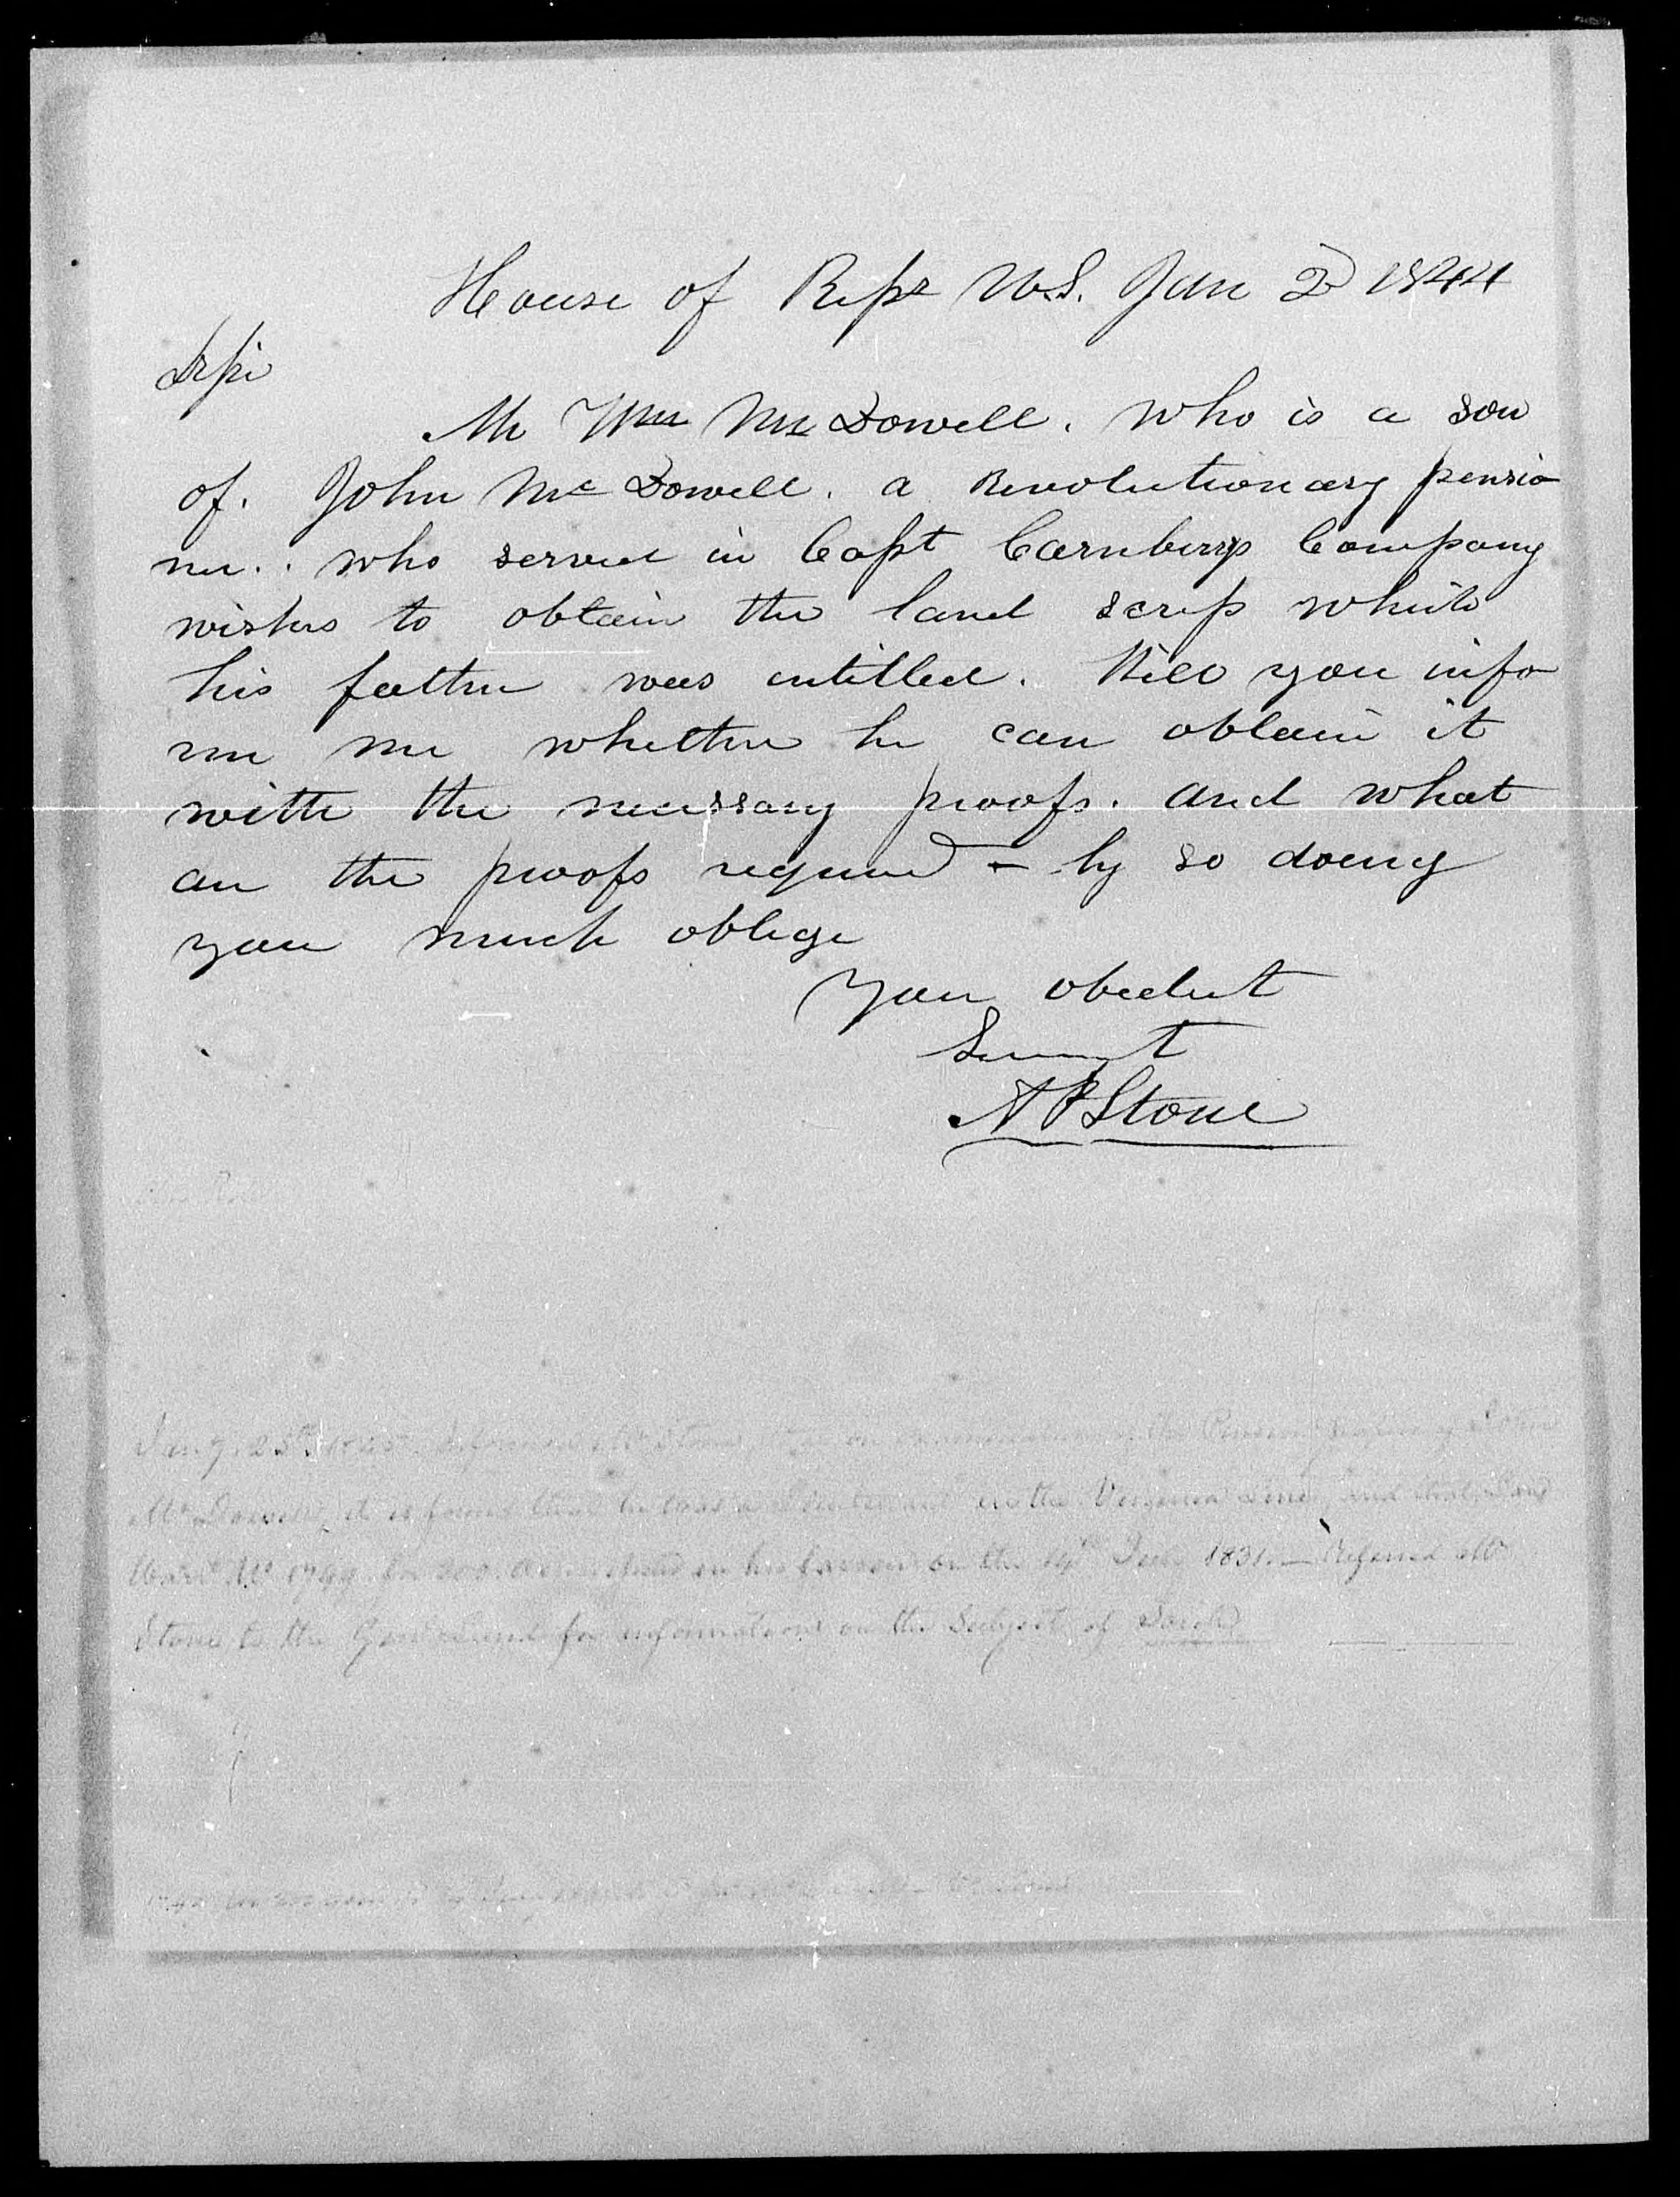House of Reps U.S. Jan 2 1844

Sirs:
Mr. Wm. McDowell, who is a son
of John McDowell, a Revolutionary pension--
ner who service in Capt. Carnbergs Company
wishes to obtain the land [illegible?] which
his father was entitled. Will you inform
me whether he can obtain it
with the necessary proofs, and what
on the proofs required--by so doing
you much oblige.
Your obedient servant
(signature of A P Stone)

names: A P Stone; Wm Mc Dowell; John Mc Dowell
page: 4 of 47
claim: survivor's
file: S. 30578, for John Mc Dowell, Virginia